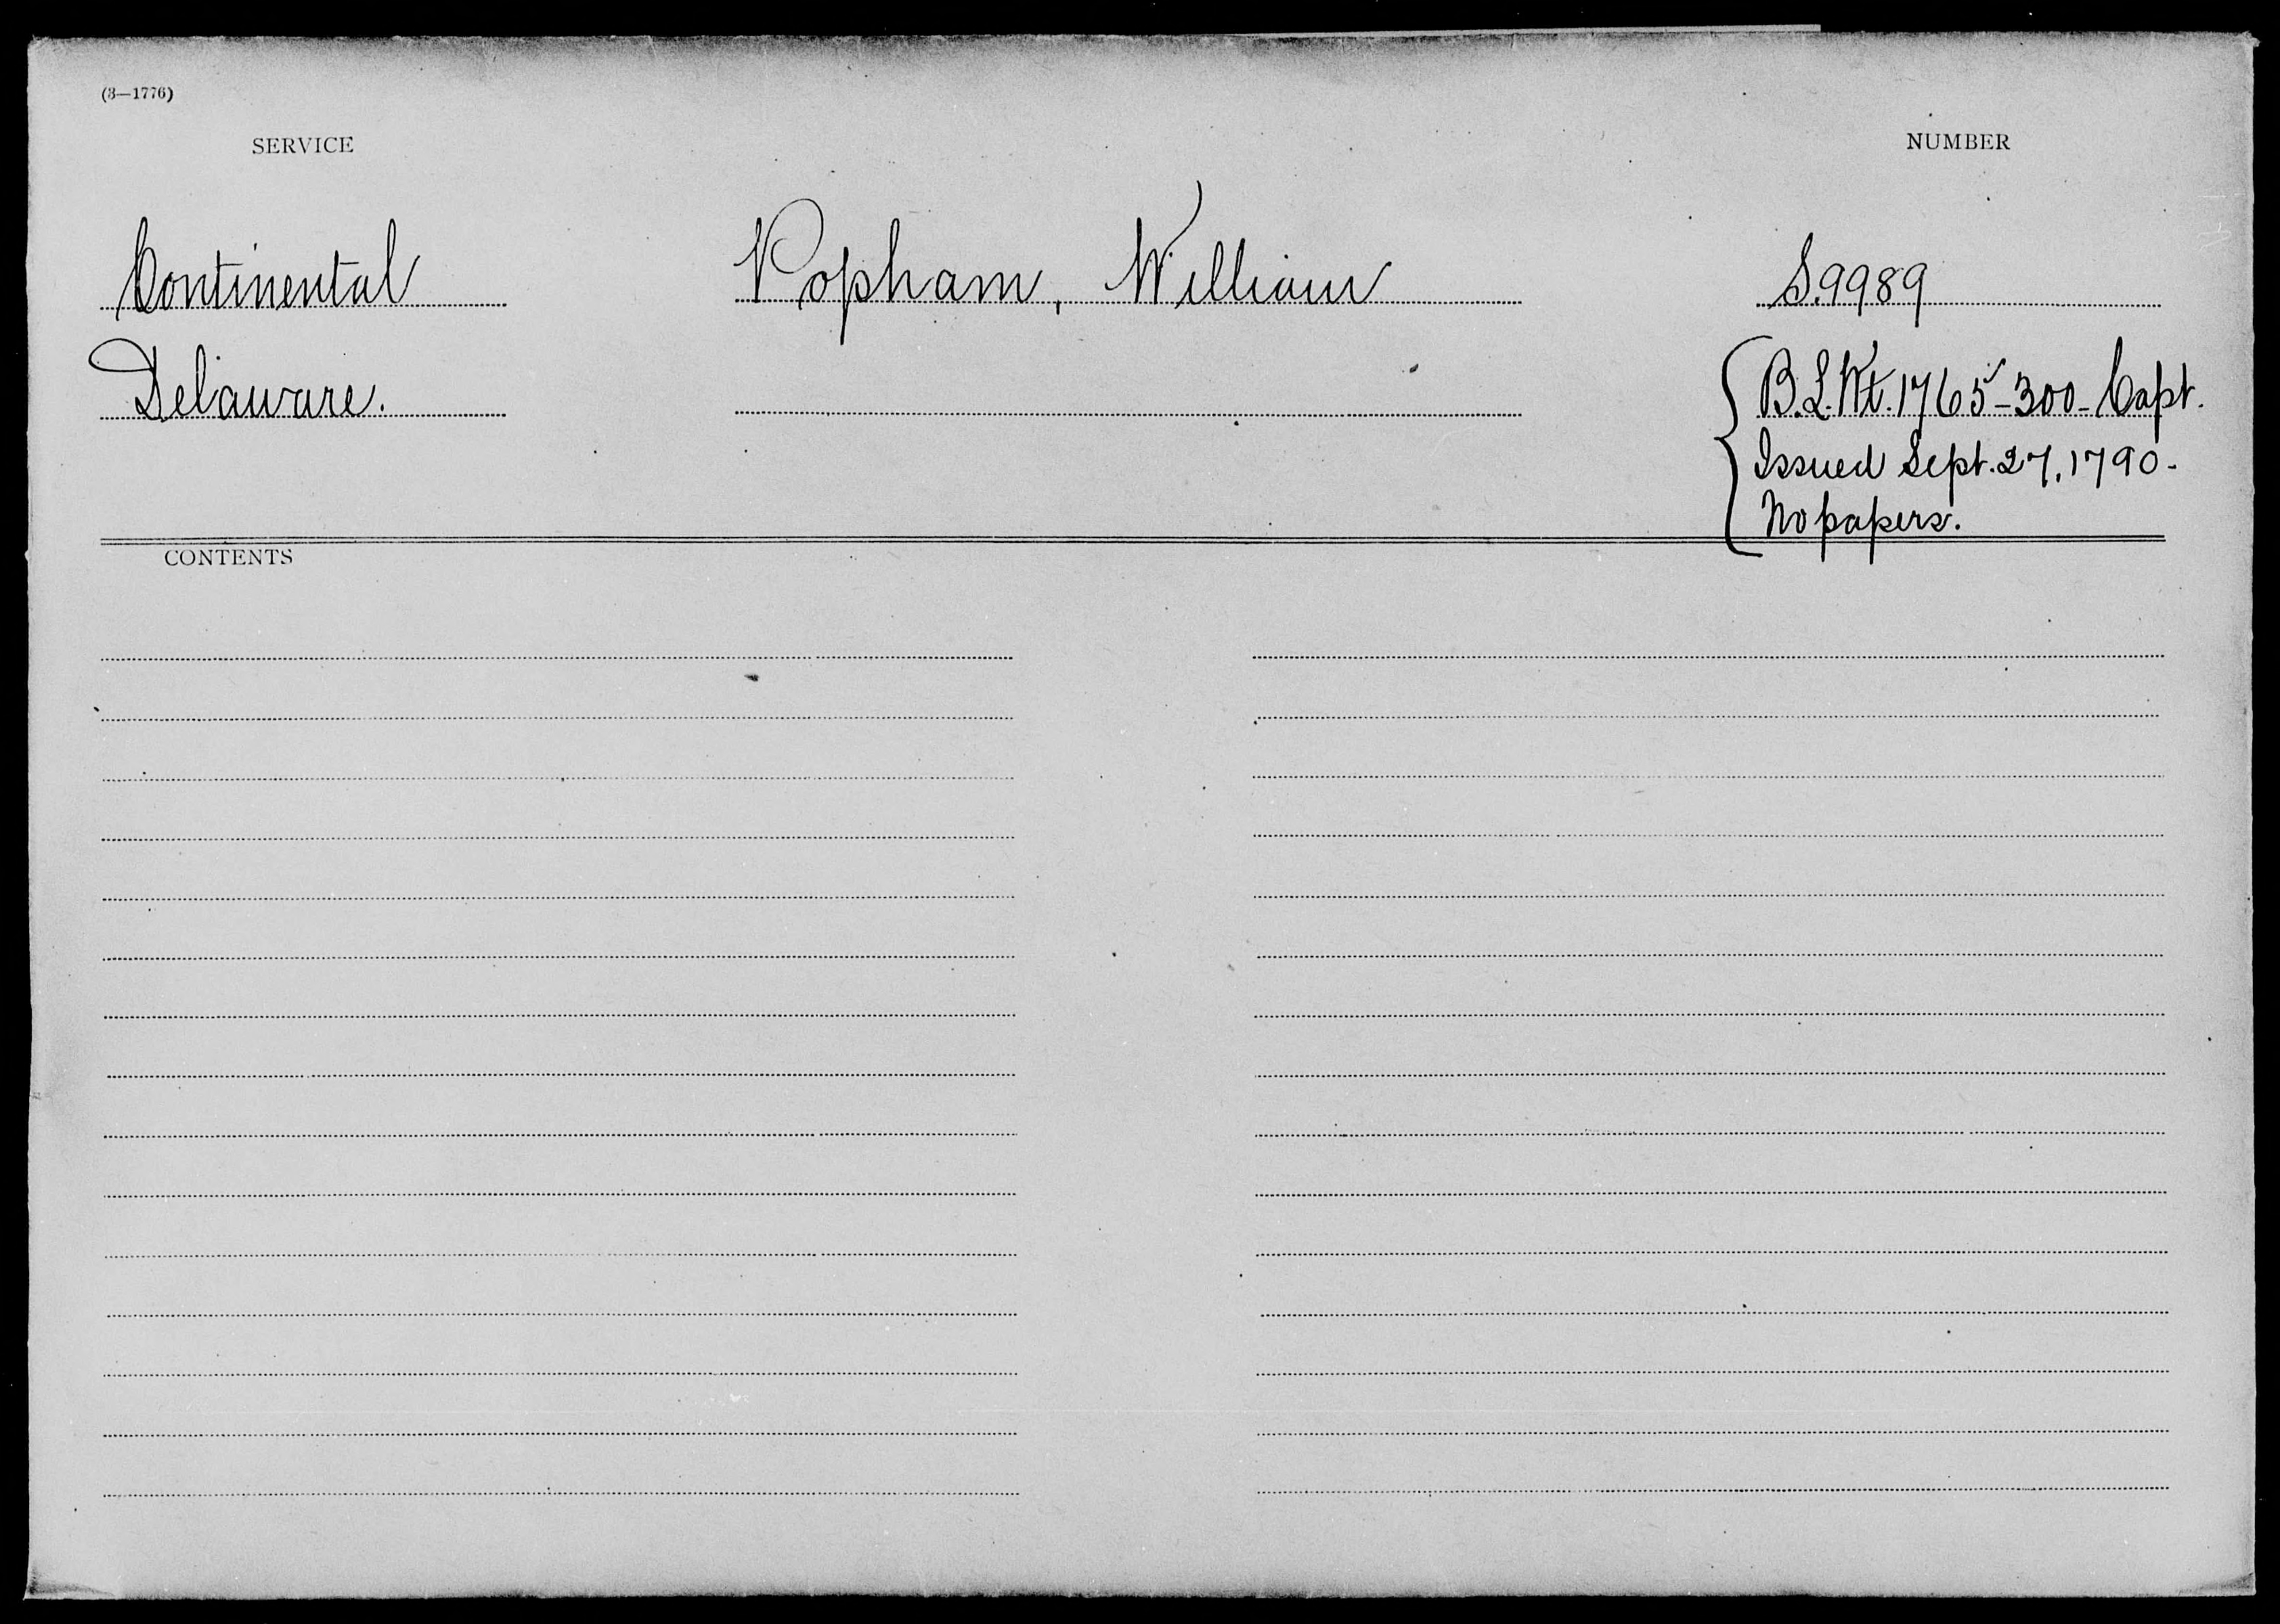(3 - 1776)
SERVICE
Continental
Delaware.
Popham, William
NUMBER
S.9989
B.L. Kt. 1765-300. Capt
Issued Sept. 27, 1790.
No papers.
CONTENTS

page: 1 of 75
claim: survivor's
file: S. 9989, for William Popham, Delaware